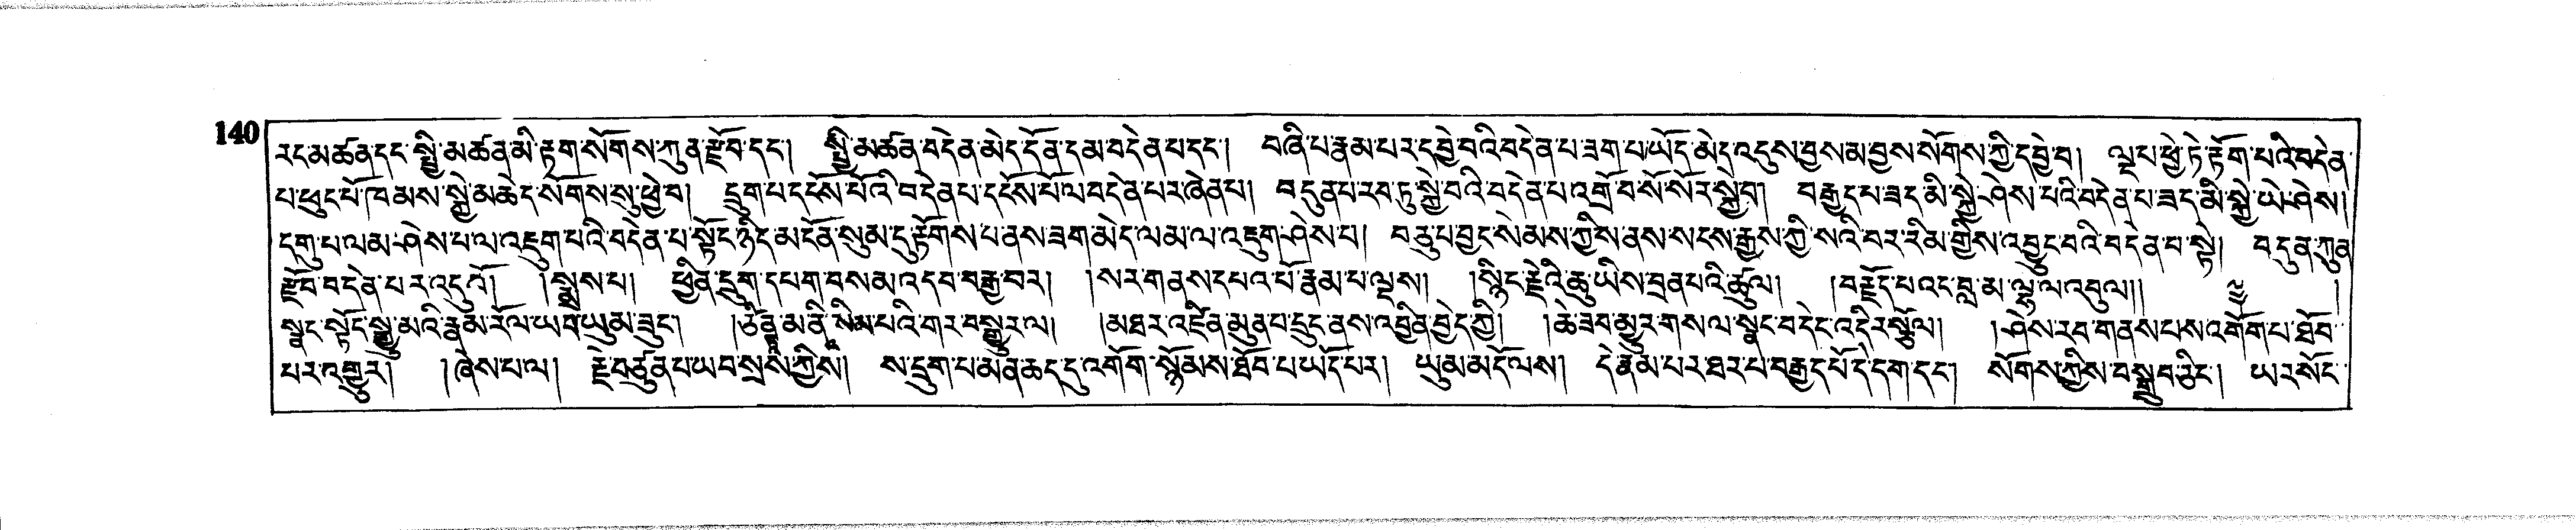རང་མཚན་དང་སྤྱི་མཚན་མི་རྟག་སོགས་ཀུན་རྫོབ་དང་། སྤྱི་མཚན་བདེན་མེད་དོན་དམ་བདེན་པ་དང་། བཞི་པ་རྣམ་པར་དབྱེ་བའི་བདེན་པ་ཟག་པ་ཡོད་མེད་འདུས་བྱས་མ་བྱས་སོགས་ཀྱི་དབྱེ་བ། ལྔ་པ་ཕྱེ་ཏེ་རྟོག་པའི་བདེན་
པ་ཕུང་པོ་ཁམས་སྐྱེ་མཆེད་སོགས་སུ་ཕྱེ་བ། དྲུག་པ་དངོས་པོའི་བདེན་པ་དངོས་པོ་ལ་བདེན་པར་ཞེན་པ། བདུན་པ་རབ་ཏུ་སྐྱེ་བའི་བདེན་པ་འགྲོ་བ་སོ་སོར་སྐྱེ་བ། བརྒྱད་པ་ཟད་མི་སྐྱེ་ཤེས་པའི་བདེན་པ་ཟད་མི་སྐྱེ་ཡེ་ཤེས།
དགུ་པ་མལ་ཤེས་པ་ལ་འཇུག་པའི་བདེན་པ་སྟོང་ཉིད་མངོན་སུམ་དུ་རྟོགས་པ་ནས་ཟག་མེད་ལམ་ལ་འཇུག་ཤེས་པ། བཅུ་པ་བྱང་སེམས་ཀྱིས་ནས་སངས་རྒྱས་ཀྱི་སའི་བར་རིམ་གྱིས་འབྱུང་བའི་བདེན་པ་སྟེ། བདུན་ཀུན་
རྫོབ་བདེན་པར་འདུའོ། །སྨྲས་པ། ཕྱིན་དྲུག་དཔག་བསམ་འདབ་བརྒྱ་བར། །སར་གནས་དཔའ་པོ་རྣམ་པ་ལྔས། སྙིང་རྗེའི་ཆུ་ཡིས་བྲན་པའི་ཚུལ། །བརྗོད་པའང་བླ་མ་ལྷ་ལ་འབུལ།། ༈ །
སྣང་སྟོད་སྒྱུ་མའི་རྣམ་རོལ་ཡབ་ཡུམ་ཟུང་། །ཙིནྟཱ་མ་ནཱི་སིམ་པའི་གར་བསྒྱུར་ལ། །མཐའ་འཛིན་མུན་པ་དྲུང་ནས་འབྱིན་བྱེད་ཀྱི། །ཆེ་ཟབ་མྱུར་གསལ་སྣང་བ་དེང་འདིར་སྩོལ། །ཤེས་རབ་གནས་པས་འགོག་པ་ཐོབ་
པར་འགྱུར། །ཞེས་པ་ལ། རྗེ་བཙུན་པ་ཡབ་སྲས་ཀྱིས། ས་དྲུག་པ་མན་ཆད་དུ་འགོག་སྙོམས་ཐོབ་པ་ཡོད་པར། ཡུམ་མདོ་ལས། དེ་རྣམ་པར་ཐར་པ་བརྒྱད་པོ་དེ་དག་དང་། སོགས་ཀྱིས་བསྒྲུབ་ཅིང་། ཡར་སོང་